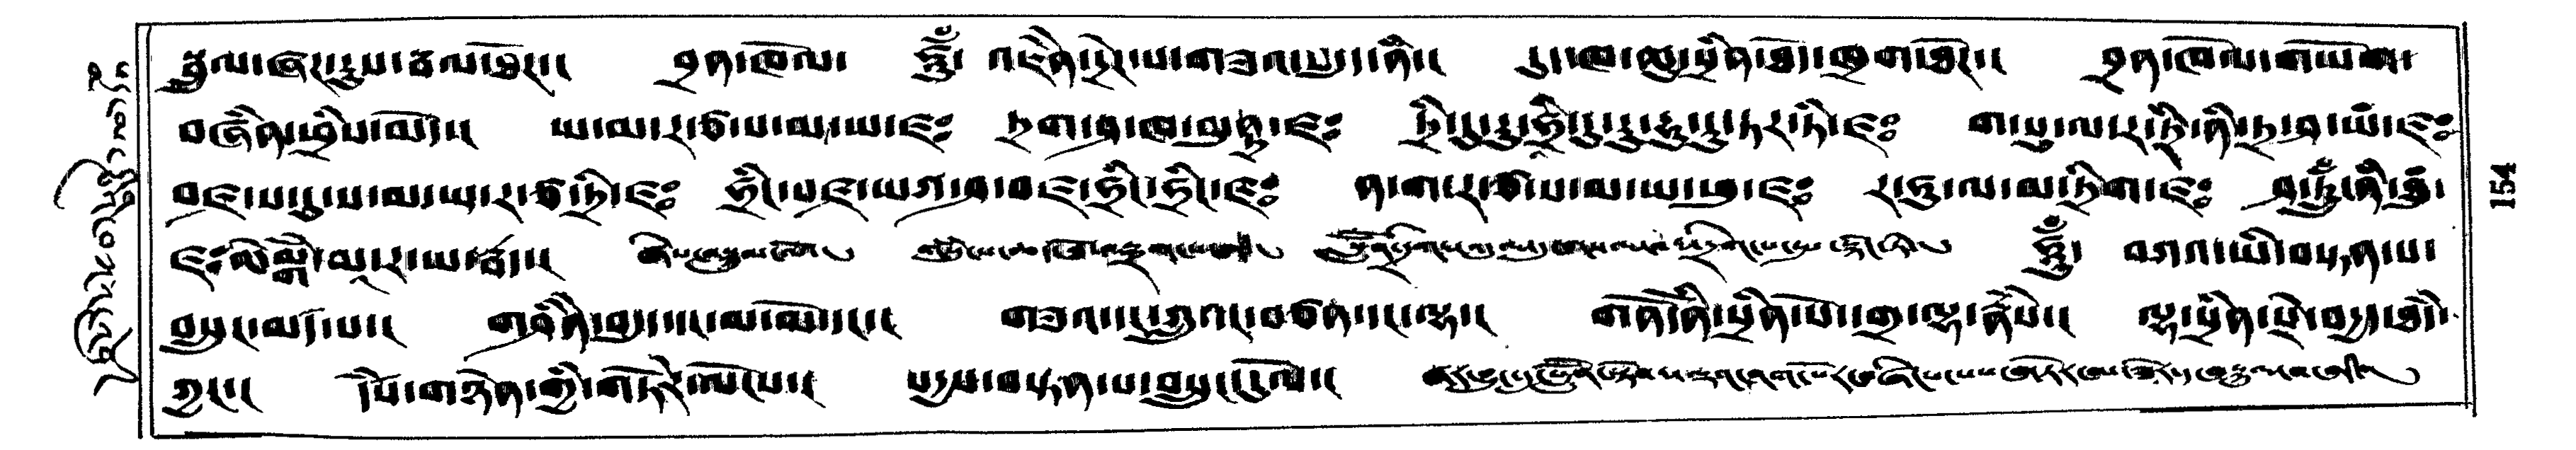སྦྲུལ་ཞགས་རུས་སྦལ་ཐོགས། །བྲན་ཁོལ༴ཧཱུྃ། འཇིག་རྟེན་དྲེགས་པ་གཟའ་བདུད་ནི། །དུད་ཁ་ཆུ་སྲིན་ཐོད་ཁྲག་ཐོགས། །བྲན་ཁོལ་གཡོག་
བཞིན་ཕྲིནལས་མཛོད། །ཡ་མ་ར་ཙ་ས་མ་ཡ་ཛཿ ཏྲག་ཤ་ཁ་མུནྟྲ་ཛཿ ཏྲི་དུ་རུ་ཧྲཱི་དུ་རུ་དྷུ་རུ་ཏར་ཏི་ཛཿ ག་སུ་ལ་ར་ཏྲི་ནི་ཏྲ་ཤ་ཡཾ་ཛཿ 
བཛྲ་ས་དུ་ས་མ་ཡ་ར་ཙ་ཏྲི་ཛཿ ཧྲིང་བཛྲ་ཡཀྴ་བཛྲ་ཧྲིང་ཧྲིང་ཛཿ ན་ག་ར་ཙ་ས་མ་ཡ་ཕུ་ཛཿ ར་ཧུ་ལ་མ་ཏྲིག་ཛཿ ཤ་ཏྲུྃ་ནི་ཐུཾ་
ཛཿཆེ་གེ་མོ་མཱ་ར་ཡ་རྦད། ཞེས་བསྐུལ་ལོ།། གསུམ་པ་ཆད་ཐོ་བསྒྲག་པ་ནི། སློབ་དཔོན་དྲེགས་འདུལ་དུ་གསལ་བས་དྲེགས་པ་སྤ་སྐོང་ཏེ། ཧཱུྃ། བཀའ་ཡི་བསྟན་པ་
བསྲུང་མཛད་པ། །གཤིན་རྗེ་བདུད་དང་མ་མོ་དང་། །གཟའ་དང་ཀླུ་དང་བཙན་དང་ལྷ། །གནོད་སྦྱིན་སྲིན་པོ་དགྲ་ལྷ་རྣམས། །ལྷ་སྲིན་སྡེ་བརྒྱད་ཐམས་ཅད་
ཀྱང་། །དམ་ཆོས་གཉེན་གྱི་གཏོར་མ་ལོངས། །སངས་རྒྱས་བསྟན་པ་བསྲུང་དུ་གསོལ།། ཞར་བྱུང་དུ་སློབ་དཔོན་སྟོབས་ལྡན་ནག་པོར་བཞེངས་པས་གཏོར་མ་ཟོར་དུ་བསྐུལ་བ་ནི།